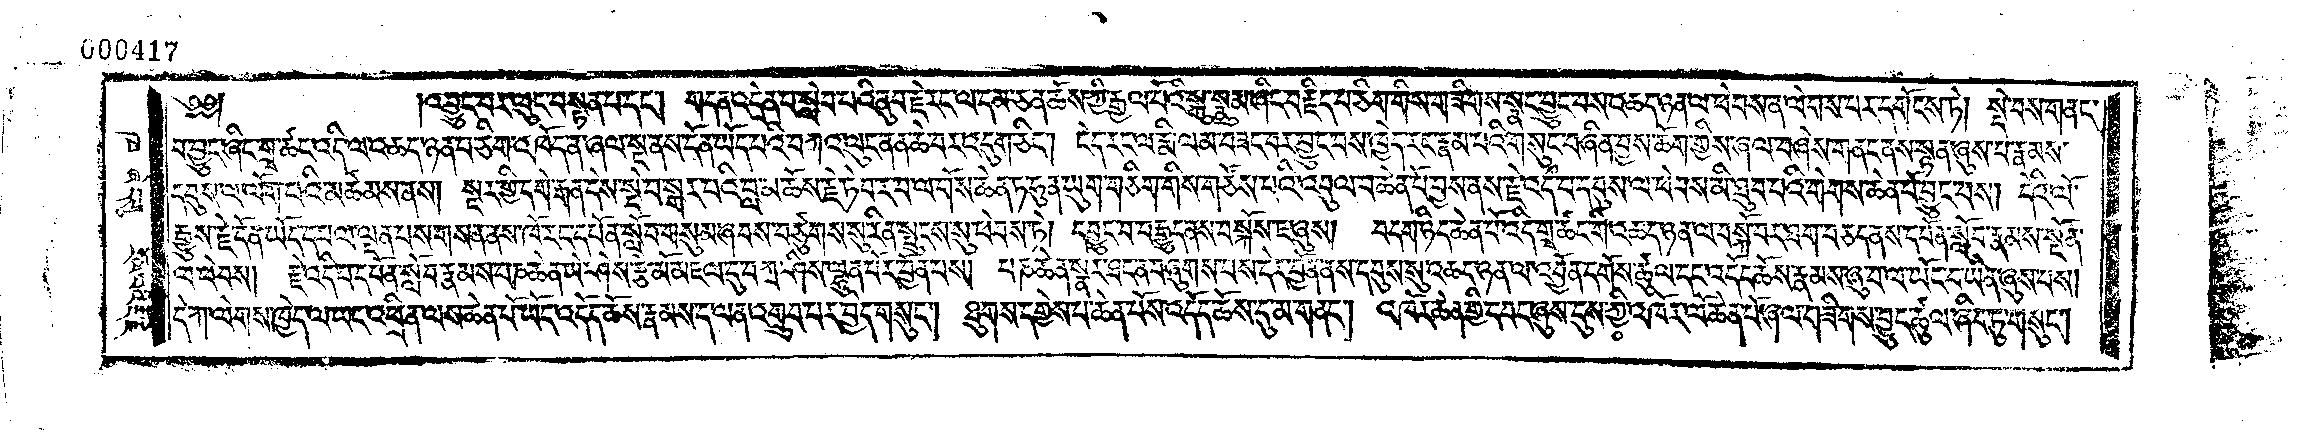༄༅། །འབྱུང་བར་ལུང་བསྟན་པ་དང་། གདན་འདྲེན་པ་སླེབ་པའི་ནུབ་རྗེ་རང་ལ་དམ་ཅན་ཆོས་ཀྱི་རྒྱལ་པོའི་སྐུ་སྣུམ་ཞིང་བརྗིད་པ་ཅིག་གིས་གཟིགས་སྣང་བྱུང་བས་འཆད་ཉན་ལ་ཕེབས་ན་ལེགས་པར་དགོངས་ཏེ། སྡེ་བས་གནང་
བ་བྱུང་ཞིང་གྲྭ་ཚང་འདི་ལ་འཆད་ཉན་པ་ཅིག་འཁོད་ན་ཞལ་སྔ་ནས་དོན་ཡོད་པའི་བཀའ་ལུང་ནན་ཆེ་བར་འདུག་ཅིང་། ངེད་རང་ལ་རྨི་ལམ་བཟང་བར་བྱུང་བས་ཁྱེད་རང་རྣམ་པའི་གསུང་བཞིན་བྱས་ཆོག་གྱིས་ཞལ་བཞེས་གནང་ནས་སྙན་ཞུས་པ་རྣམས་
དབུས་ལ་ལོག་པའི་མཚམས་ནས། སྔར་གྱི་དགེ་རྒན་དེས་སྡེ་བ་སྒར་བའི་བླ་མ་ཆོས་རྗེ་ཏེ་བ་ར་བ་ལ་གོས་ཆེན་ཏ་ཧུན་ཡུག་གཅིག་གིས་གཙོས་པའི་འབུལ་བ་ཆེན་པོ་བྱས་ནས་རྗེ་འདྀ་པ་དབུས་ལ་ཕེབས་མི་ཐུབ་པའི་གེགས་ཆེན་པོ་བྱུང་བས། དེའི་ལོ་
རྒྱུས་རྗེ་དོན་ཡོད་དཔལ་ལྡན་པས་གསན་ནས་ཁོ་རང་དཔོན་སློབ་གསུམ་ཞབས་བཙུགས་སུ་རིན་སྤུངས་སུ་ཕེབས་ཏེ། དབྱུང་བ་བརྒྱུད་ནས་བསྐོས་ཇ་ཞུས། བདག་ཉིད་ཆེན་པོ་འདི་གྲྭ་ཚང་གི་འཆད་ཉན་ལ་བསྐོ་བར་ཐག་བཅད་ནས་དཔོན་སློབ་རྣམས་སྔོན་
ལ་ཕེབས། རྗེ་འདི་བ་དཔོན་སློབ་རྣམས་པཎ་ཆེན་ཡེ་ཤེས་རྩེ་མོ་མཇལ་དུ་བཀྲ་ཤིས་ལྷུན་པོར་བྱོན་པས། པཎ་ཆེན་སྣར་ཐང་ན་བཞུགས་པས་དེར་བྱོན་ནས་དབུས་སུ་འཆད་ཉན་ལ་འབྱོན་དགོས་ཚུལ་དང་འདོད་ཆོས་རྣམས་ཞུ་བ་ལ་ཡོང་བ་ཡིན་ཞུས་པས།
དེ་ཀ་ལེགས་ཁྱེད་ལ་ཡང་འཕྲིན་ལས་ཆེན་པོ་ཡོང་འདོད་ཆོས་རྣམས་ད་ལན་འགྲུབ་པར་བྱེད་གསུང་། ཐུགས་དགྱེས་པ་ཆེན་པོས་འདོད་ཆོས་དུ་མ་གནང་། འཁོར་ཆེན་གྱི་དབང་ཞུས་དུས་ཀྱི་འཁོར་ལོ་ཆེན་པོ་ཞལ་གཟིགས་བྱུང་ཚུལ་ཞིང་ཏུ་གསུང་།